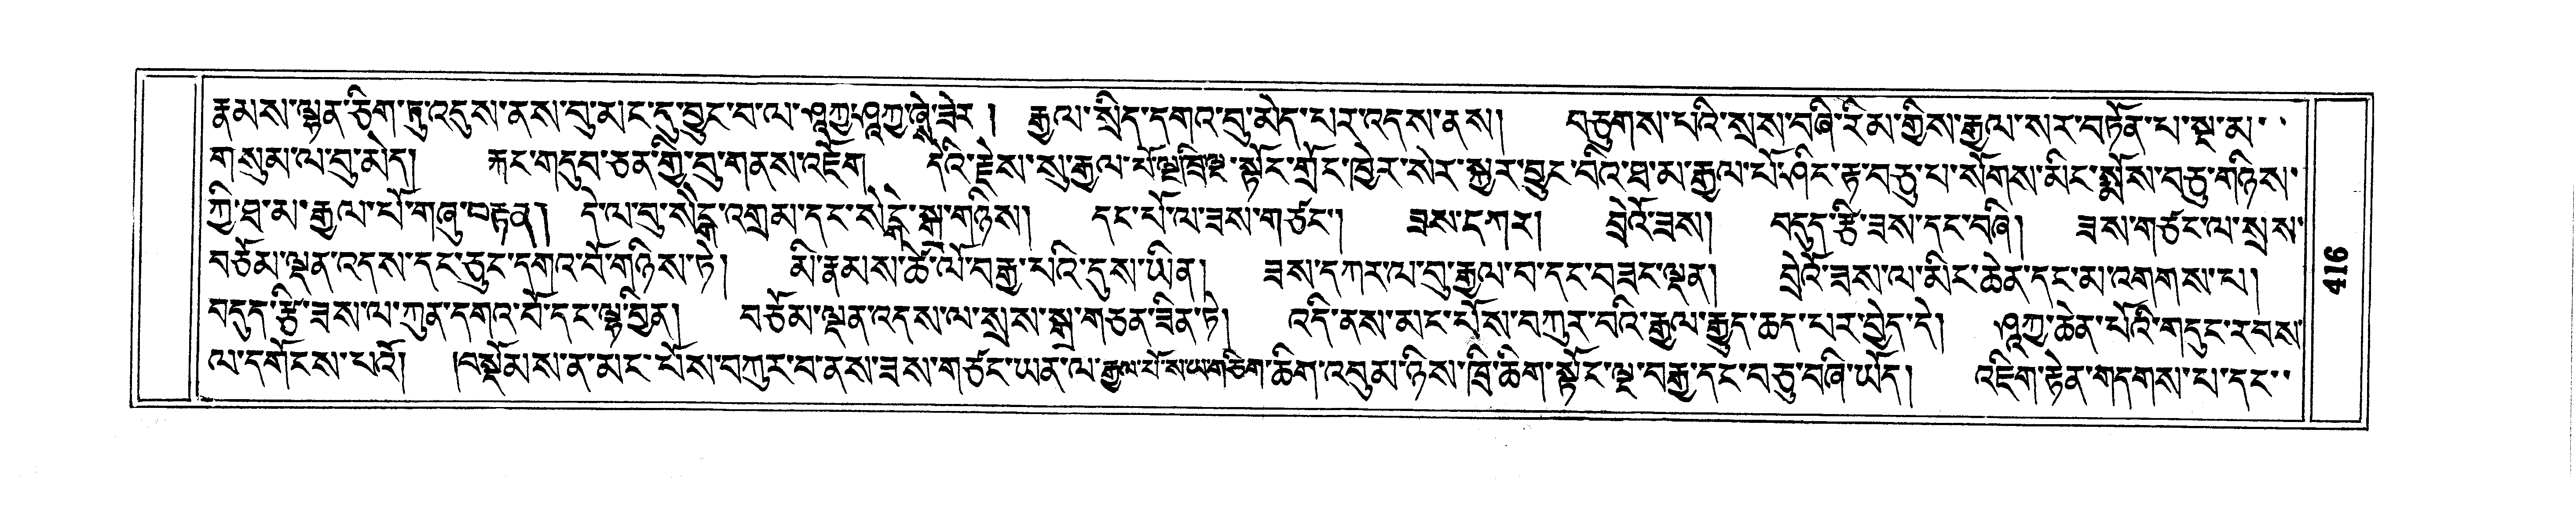རྣམས་ལྷན་ཅིག་ཏུ་འདུས་ནས་བུ་མང་དུ་བྱུང་བ་ལ་ཤཱཀྱ་ཤཱཀྱ་ཞེས་ཟེར། རྒྱལ་སྲིད་དགའ་བུ་མེད་པར་འདས་ནས། བཅུགས་པའི་སྲས་བཞི་རིམ་གྱིས་རྒྱལ་སར་བཏོན་པ་སྔ་མ་
གསུམ་ལ་བུ་མེད། རྐང་གདུབ་ཅན་གྱི་བུ་གནས་འཇོག་དེའི་རྗེས་སུ་རྒྱལ་པོ་ལྔ་ཁྲི་ལྔ་སྟོང་གྲོང་ཁྱེར་སེར་སྐྱར་བྱུང་བའི་ཐ་མ་རྒྱལ་པོ་ཤིང་རྟ་བཅུ་པ་སོགས་མིང་སྨོས་བཅུ་གཉིས་
ཀྱི་ཐ་མ་རྒྱལ་པོ་གཞུ་བརྟན། དེ་ལ་བུ་སཻངྒ་འགྲམ་དང་སེངྒེ་སྒ་གཉིས། དང་པོ་ལ་ཟས་གཙང་། ཟས་དཀར། བྲེའོ་ཟས། བདུད་རྩི་ཟས་དང་བཞི། ཟས་གཙང་ལ་སྲས་
བཅོམ་ལྡན་འདས་དང་ཅུང་དགའ་བོ་གཉིས་ཏེ། མི་རྣམས་ཚེ་ལོ་བརྒྱ་པའི་དུས་ཡིན། ཟས་དཀར་ལ་བུ་རྒྱལ་བ་དང་བཟང་ལྡན། བྲེའོ་ཟས་ལ་མིང་ཆེན་དང་མ་འགགས་པ།
བདུད་རྩི་ཟས་ལ་ཀུན་དགའ་བོ་དང་ལྷ་བྱིན། བཅོམ་ལྡན་འདས་ལ་སྲས་སྒྲ་གཅན་ཟིན་ཏེ། འདི་ནས་མང་པོས་བཀུར་བའི་རྒྱལ་རྒྱུད་ཆད་པར་བྱེད་དེ། ཤཱཀྱ་ཆེན་པོའི་གདུང་རབས་
ལ་དགོངས་པའོ། །བསྡོམས་ན་མང་པོས་བཀུར་བ་ནས་ཟས་གཙང་ཡན་ལ་རྒྱལ་པོ་ས་ཡ་གཅིག་ཆིག་འབུམ་ཉིས་ཁྲི་ཆིག་སྟོང་ལྔ་བརྒྱ་དང་བཅུ་བཞི་ཡོད། འཇིག་རྟེན་གདགས་པ་དང་